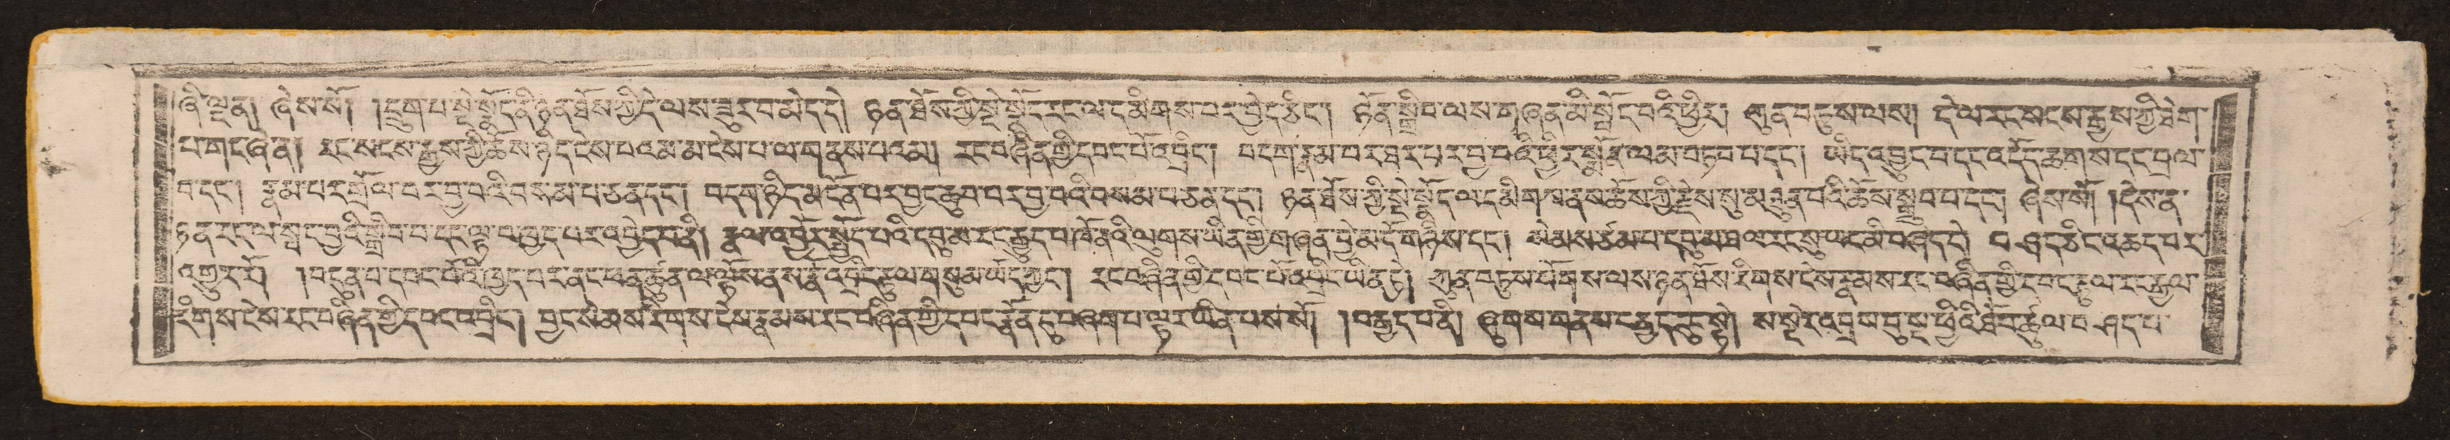ཞི་ལྡན། ཞེས་སོ། །དྲུག་པ་སྡེ་སྣོད་ནི་ཉན་ཐོས་ཀྱི་དེ་ལས་ཟུར་བ་མེད་དེ། ཉན་ཐོས་ཀྱི་སྡེ་སྣོད་རང་ལ་དམིགས་པར་བྱེད་ཅིང་། ཉོན་སྒྲིབ་ལས་གཞན་མི་སྤོང་བའི་ཕྱིར། ཀུན་བཏུས་ལས། དེ་ལ་རང་སངས་རྒྱས་ཀྱི་ཐེག་
པ་གང་ཞེ་ན། རང་སངས་རྒྱས་ཀྱི་ཆོས་ཉིད་ངེས་པའམ་མ་ངེས་པ་ལ་གནས་པའམ། རང་བཞིན་གྱི་དབང་པོ་འབྲིང་། བདག་རྣམ་པར་ཐར་པར་བྱ་བའི་ཕྱིར་སྨོན་ལམ་བཏབ་པ་དང་། ཡིད་འབྱུང་བ་དང་འདོད་ཆགས་དང་བྲལ་
བ་དང་། རྣམ་པར་གྲོལ་བར་བྱ་བའི་བསམ་པ་ཅན་དང་། བདག་ཉིད་མངོན་པར་བྱང་ཆུབ་པར་བྱ་བའི་བསམ་པ་ཅན་དང་། ཉན་ཐོས་ཀྱི་སྡེ་སྣོད་ལ་དམིགས་ནས་ཆོས་ཀྱི་རྗེས་སུ་མཐུན་པའི་ཆོས་སྒྲུབ་པ་དང་། ཞེས་སོ། །དེས་ན་
ཉན་རང་ལ་སྤང་བྱའི་སྒྲིབ་པ་དང་ལྟ་བ་ཁྱད་པར་འབྱེད་པ་ནི། རྣལ་འབྱོར་སྤྱོད་པའི་དབུ་མ་རང་རྒྱུད་པ་ཁོ་ནའི་ལུགས་ཡིན་གྱི་གཞན་བྱེ་མདོ་གཉིས་དང་། སེམས་ཙམ་པ་དབུ་མ་ཐལ་རང་སུ་ཡང་མི་བཞེད་དེ། བཤད་ཅིང་འཆད་པར་
འགྱུར་རོ། །བདུན་པ་དབང་པོའི་ཁྱད་པར་ནང་ཕན་ཚུན་ལ་ལྟོས་ནས་རྣོ་འབྲིང་རྟུལ་གསུམ་ཡོད་ཀྱང་། རང་བཞིན་གྱི་དབང་པོ་འབྲིང་ཡིན་ཏེ། ཀུན་བཏུས་སོགས་ལས་ཉན་ཐོས་རིགས་ངེས་རྣམས་རང་བཞིན་གྱི་དབང་རྟུལ་རང་རྒྱལ་
རིགས་ངེས་རང་བཞིན་གྱི་དབང་འབྲིང་། བྱང་སེམས་རིགས་ངེས་རྣམས་རང་བཞིན་གྱི་དབང་རྣོན་དུ་བཞག་པ་ལྟར་ཡིན་པས་སོ། །བརྒྱད་པ་ནི། ཞུགས་གནས་བརྒྱད་རུང་སྟེ། ས་སྡེར་འབྲས་བུ་སྔ་ཕྱིའི་ཐོབ་ཚུལ་བཤད་པ་